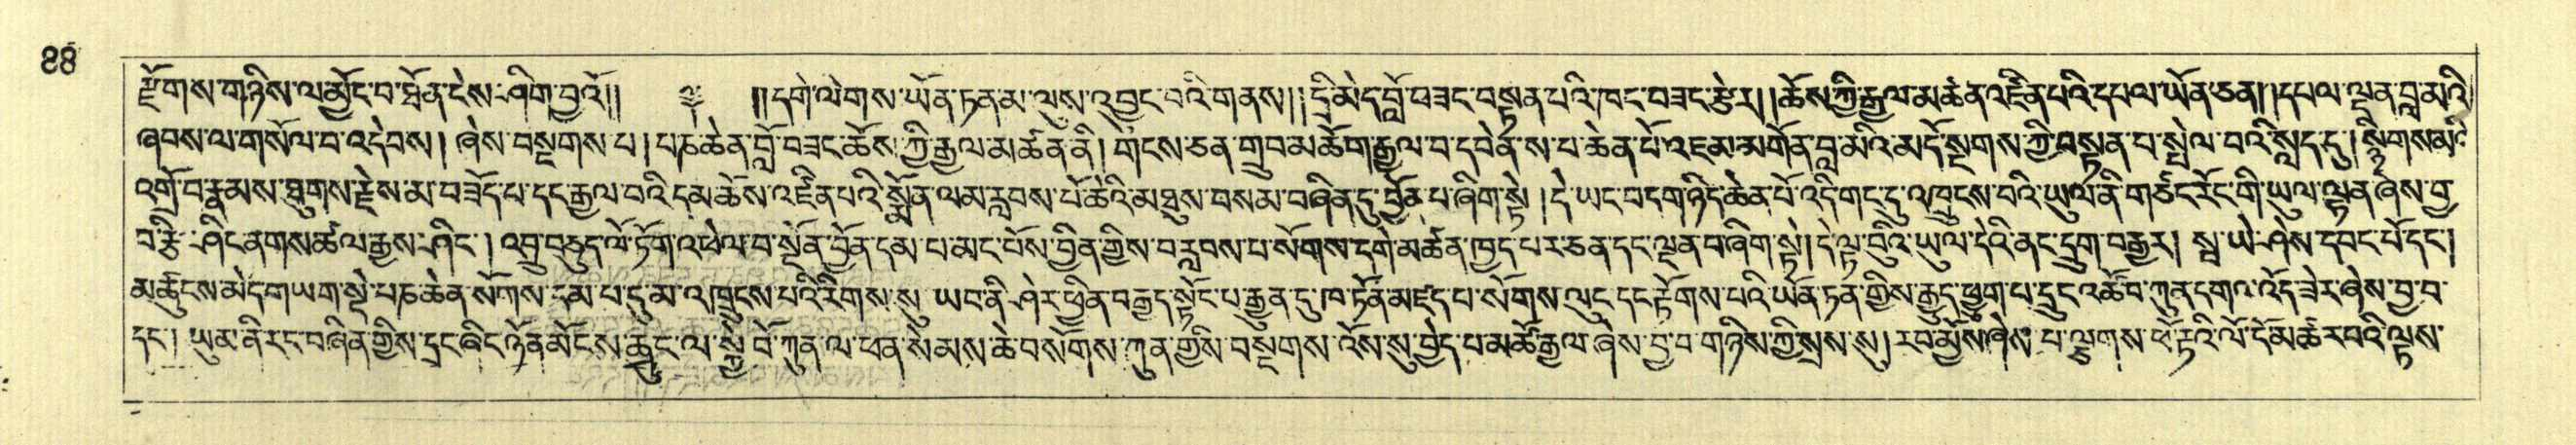རྫོགས་གཉིས་ལ་མྱོང་བ་ཐོན་ངེས་ཤིག་བྱའོ།། ༈ །།དགེ་ལེགས་ཡོན་ཏན་མ་ལུས་འབྱུང་བའི་གནས། །དྲི་མེད་བློ་བཟང་བསྟན་པའི་ཁང་བཟང་རྩེར། །ཆོས་ཀྱི་རྒྱལ་མཚན་འཛིན་པའི་དཔལ་ཡོན་ཅན། །དཔལ་ལྡན་བླ་མའི་
ཞབས་ལ་གསོལ་བ་འདེབས། ཞེས་བསྔགས་པ། པཎ་ཆེན་བློ་བཟང་ཆོས་ཀྱི་རྒྱལ་མཚན་ནི། གངས་ཅན་གྲུབ་མཆོག་རྒྱལ་བ་དབེན་ས་པ་ཆེན་པོ་འཇམ་མགོན་བླ་མའི་མདོ་སྔགས་ཀྱི་བསྟན་པ་སྤེལ་བའི་སླད་དུ། སྙིགས་མའི་
འགྲོ་བ་རྣམས་ཐུགས་རྗེས་མ་བཟོད་པ་དང་རྒྱལ་བའི་དམ་ཆོས་འཛིན་པའི་སྨོན་ལམ་རླབས་པོ་ཆེའི་མཐུས་བསམ་བཞིན་དུ་བྱོན་པ་ཞིག་སྟེ། དེ་ཡང་བདག་ཉིད་ཆེན་པོ་འདི་གང་དུ་འཁྲུངས་བའི་ཡུལ་ནི་གཙང་རོང་གི་ཡུལ་ལྟན་ཞེས་བྱ་
བ་རྩི་ཤིང་ནགས་ཚལ་རྒྱས་ཤིང་། འབྲུ་བཅུད་ལོ་ཏོག་འཕེལ་བ་སྔོན་བྱོན་དམ་པ་མང་པོས་བྱིན་གྱིས་བརླབས་པ་སོགས་དགེ་མཚན་ཁྱད་པར་ཅན་དང་ལྡན་བ་ཞིག་སྟེ། དེ་ལྟ་བུའི་ཡུལ་དེའི་ནང་དྲུག་བརྒྱར། སྦ་ཡེ་ཤེས་དབང་པོ་དང་།
མཚུངས་མེད་གཡག་སྡེ་པཎ་ཆེན་སོགས་དམ་པ་དུ་མ་འཁྲུངས་པའི་རིགས་སུ་ཡབ་ནི་ཤེར་ཕྱིན་བརྒྱད་སྟོང་པ་རྒྱུན་དུ་ཁ་ཏོན་མཛད་པ་སོགས་ལུང་དང་རྟོགས་པའི་ཡོན་ཏན་གྱིས་རྒྱུད་ཕྱུག་པ་དྲུང་འཚོ་བ་ཀུན་དགའ་འོད་ཟེར་ཞེས་བྱ་བ་
དང་། ཡུམ་ནི་རང་བཞིན་གྱིས་དྲང་ཞིང་ཉོན་མོངས་ཆུང་ལ་སྐྱེ་བོ་ཀུན་ལ་ཕན་སེམས་ཆེ་བ་སོགས་ཀུན་གྱིས་བསྔགས་འོས་སུ་བྱེད་པ་མཚོ་རྒྱལ་ཞེས་བྱ་བ་གཉིས་ཀྱི་སྲས་སུ། རབ་མྱོས་ཞེས་པ་ལྕགས་ཕོ་རྟའི་ལོ་ངོ་མཚར་བའི་ལྟས་